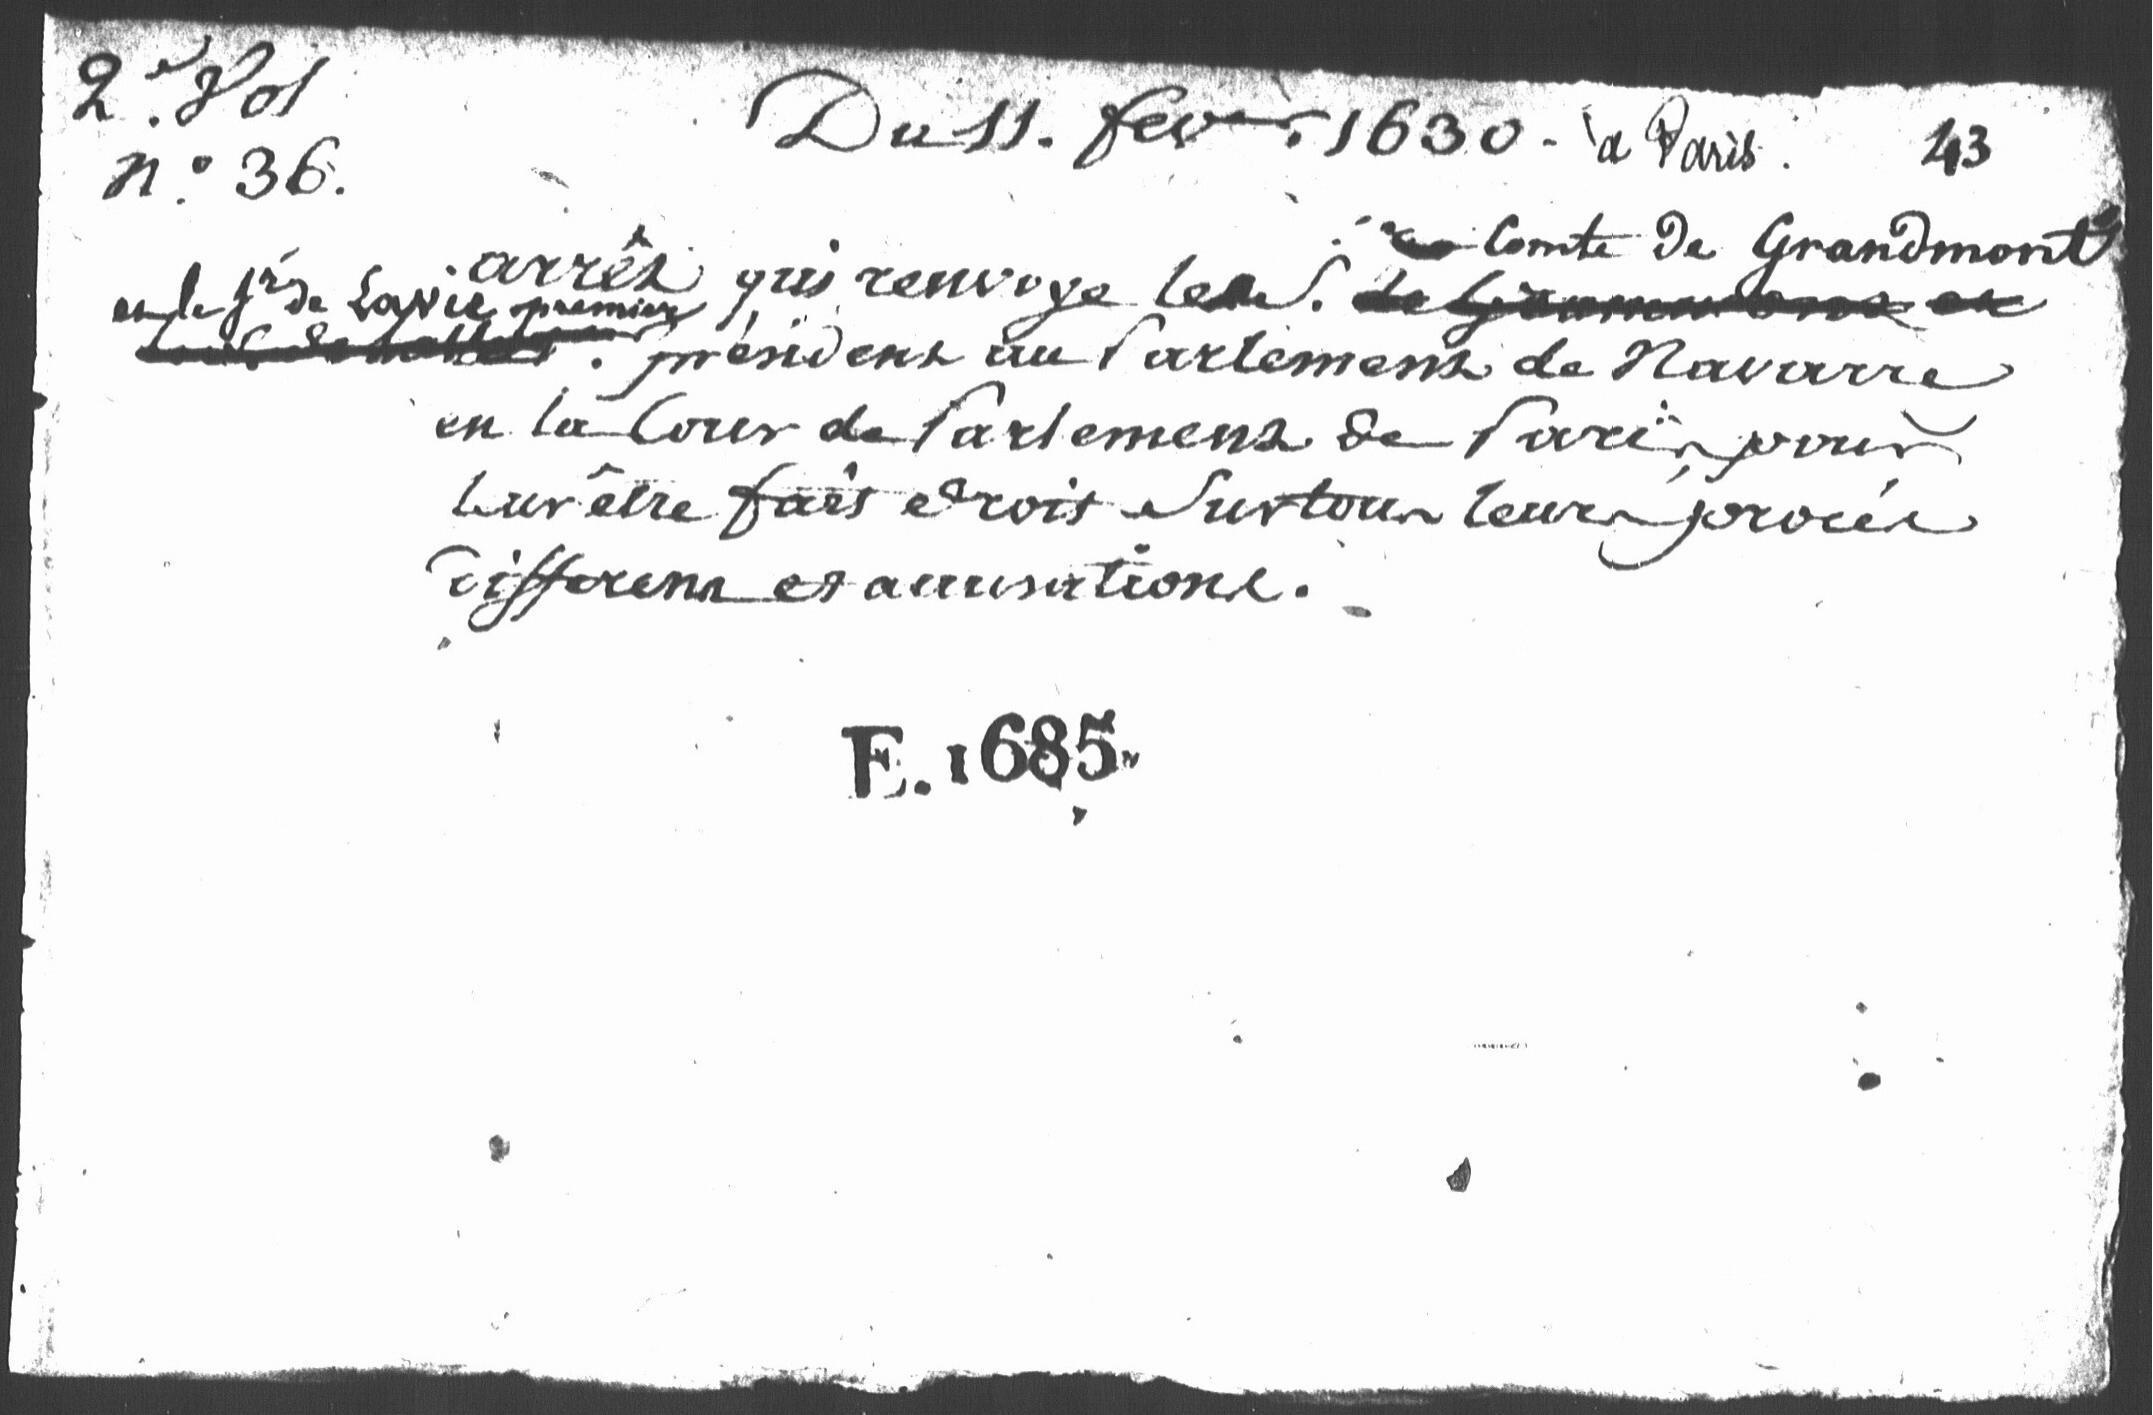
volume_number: n°36
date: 11 février 1630
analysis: a Paris 43
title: arrêt qui renvoye le S. [de Grandmont et le S. de ...., mots barrés] comte de Grandmont et le Sr de Lavie premier président au Parlement de Navarre en la Cour de Parlement de Paris pour leur être fait droit sur tous leurs procès differens et accusations.
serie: E
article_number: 1685
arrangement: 2e. Vol
